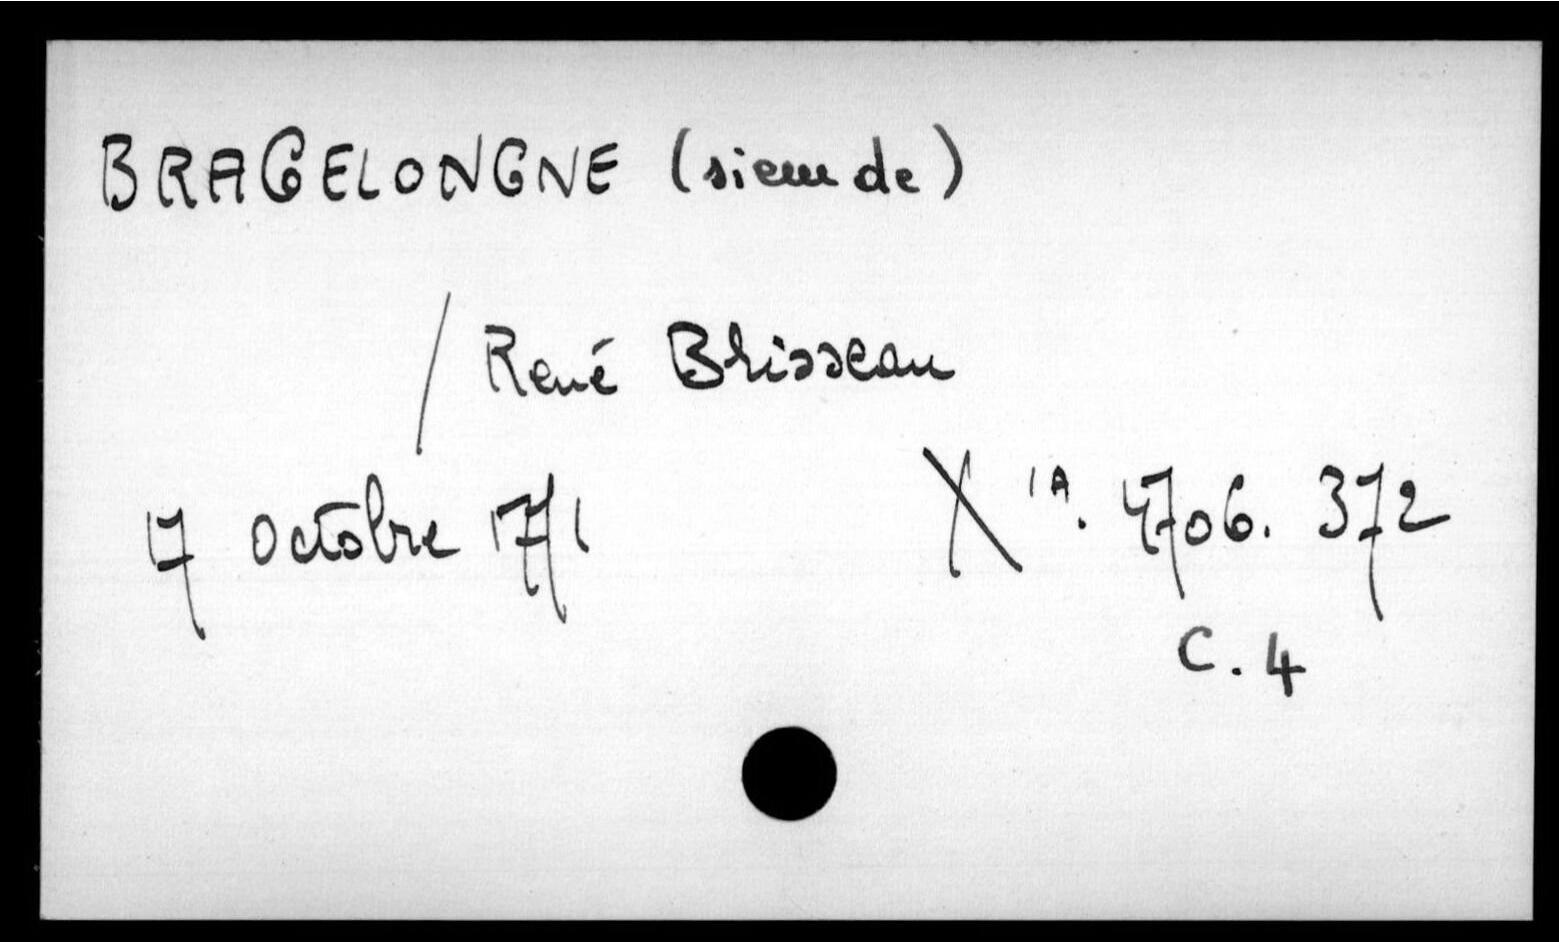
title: BRAGELONGNE (sieur de)
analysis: Contre René Brisseau
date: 17 octobre 1771
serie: X1A
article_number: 4706
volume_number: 372 Conseil 4
